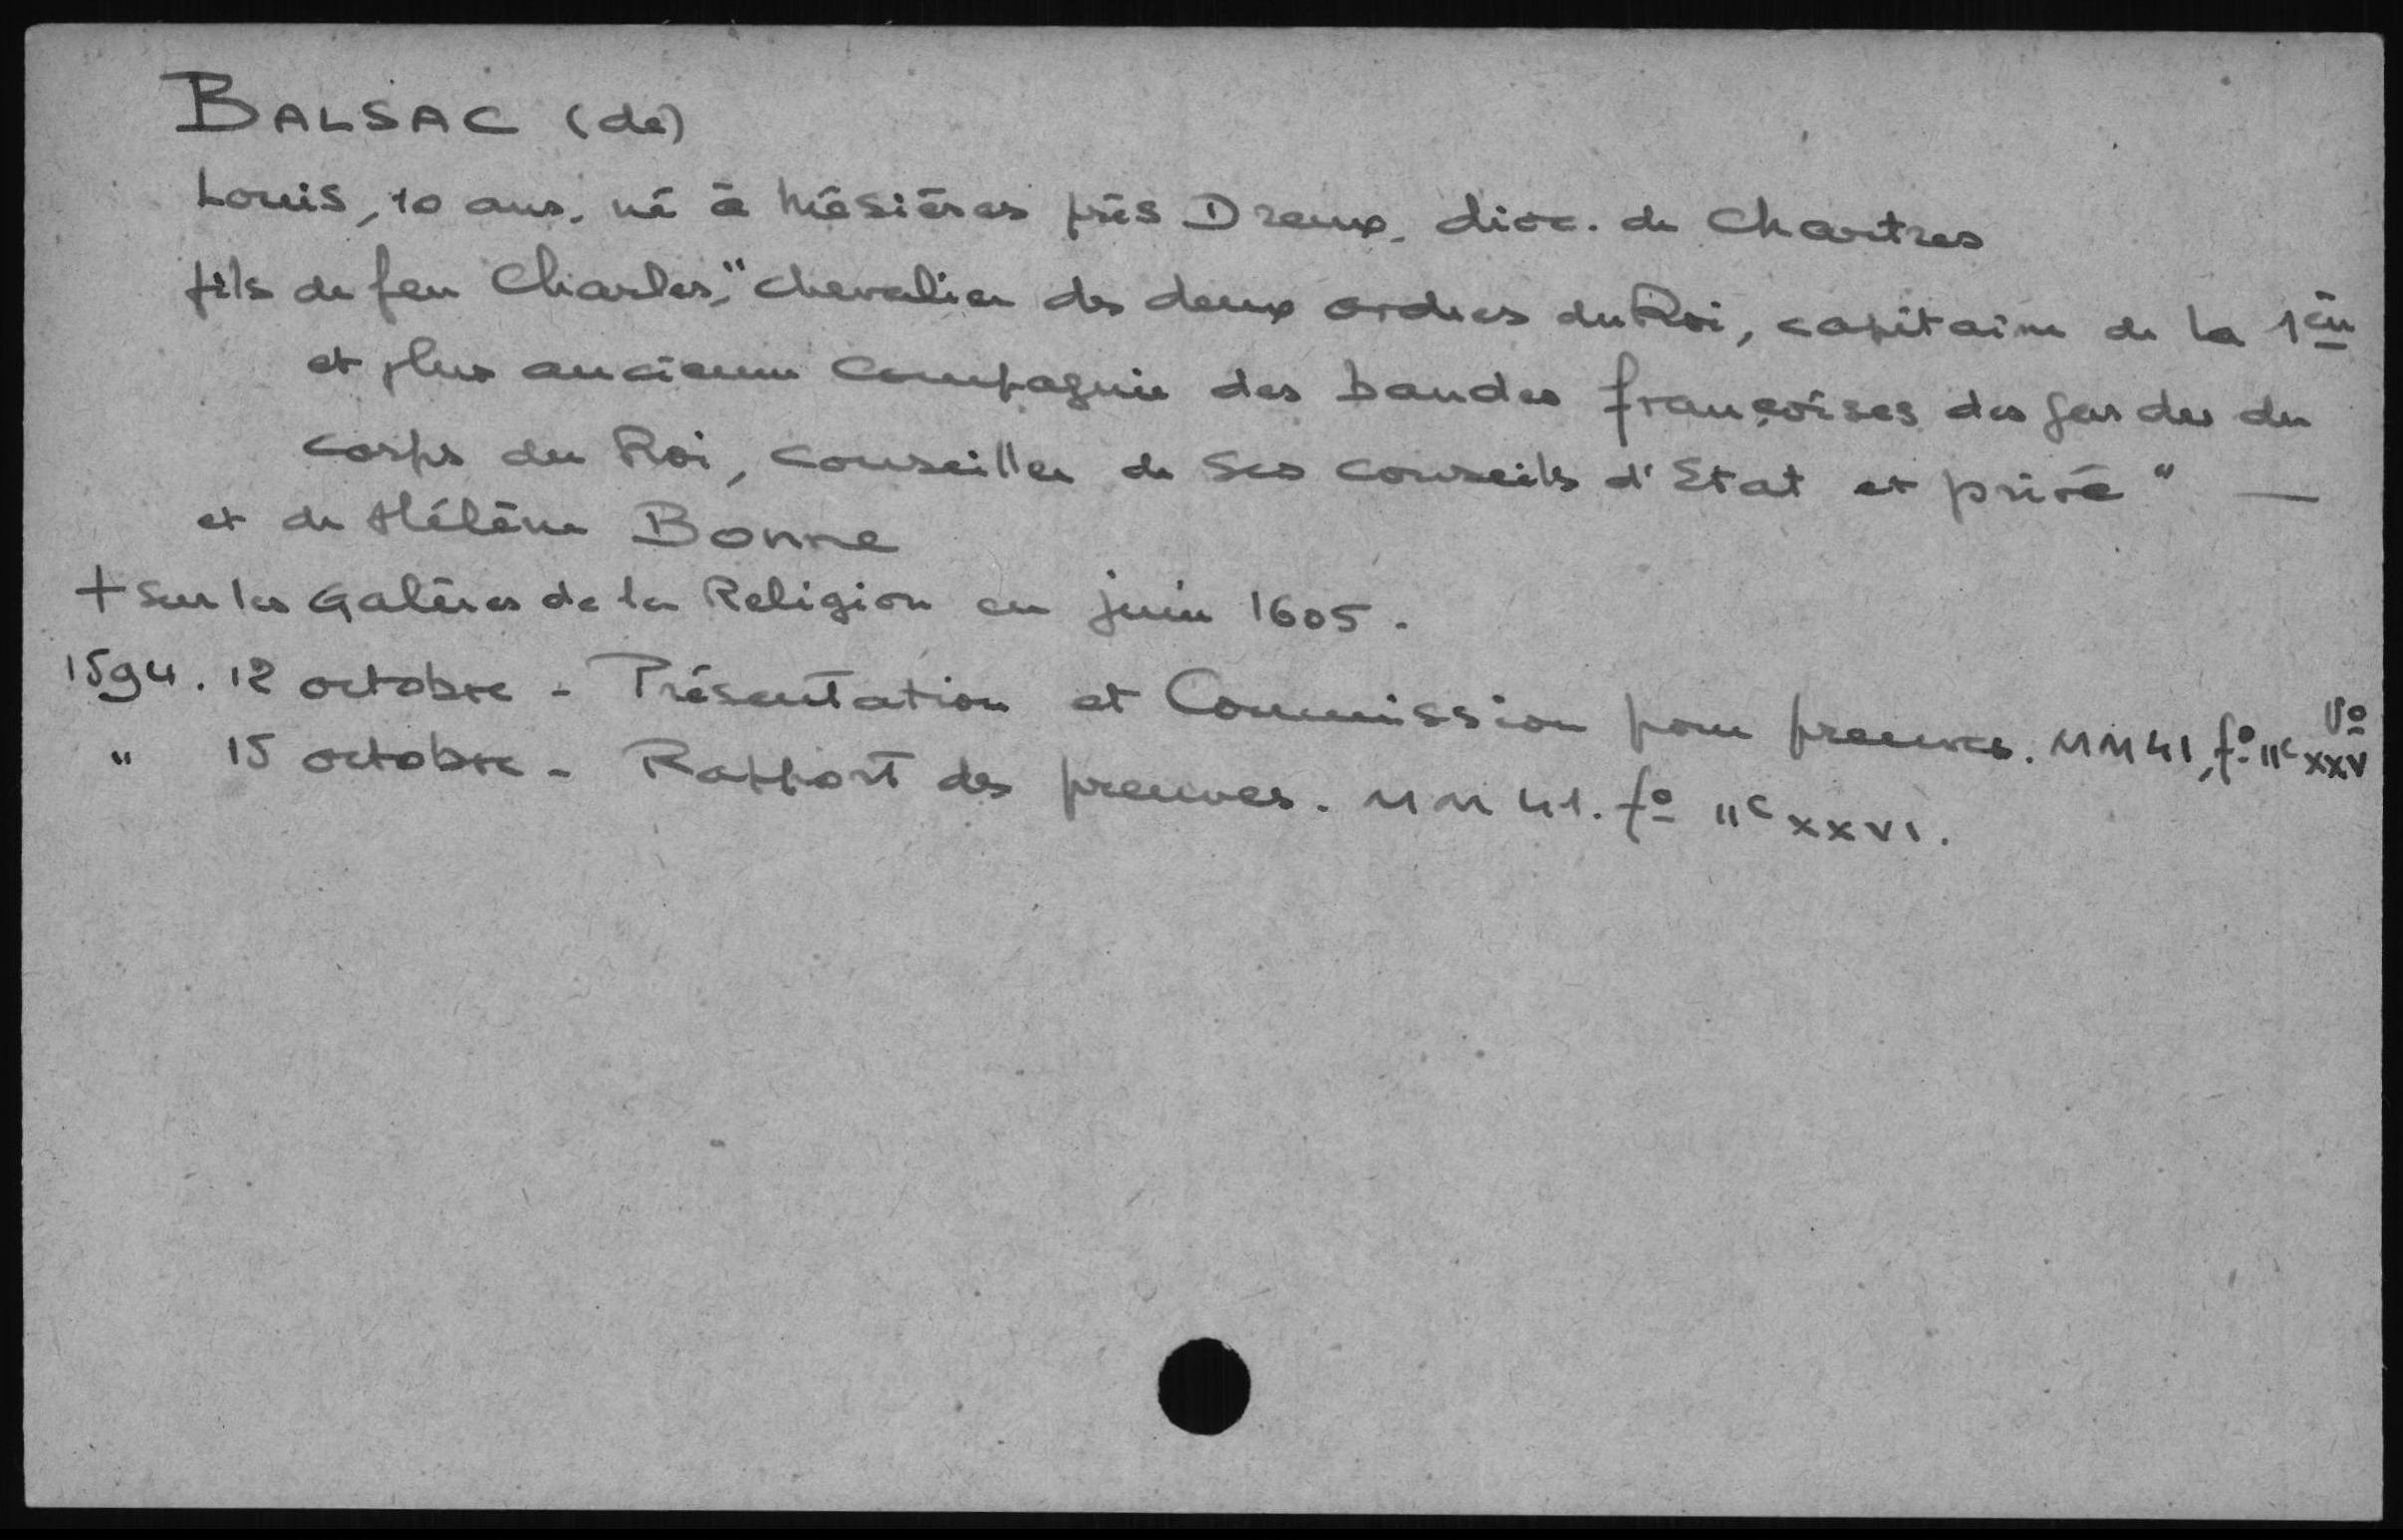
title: BALSAC (de) Louis, 10 ans, né à Mésières près Dreux, diocèse de Chartres fils de feu Charles, "chevalier des deux ordres du Roi, capitaine de la 1ère et plus ancienne compagnie des bandes françaises des gardes du corps du Roi, conseiller en ses conseils d'Etat et privé", et de Hélène Bonne +sur les galères de la Religion en juin 1605
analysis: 1594, 12 octobre. Présentation et commission pour preuves. MM 41, fol. IIC XXVv " 15 octobre. Rapport des preuves. MM 41, fol. IIC XXVI
